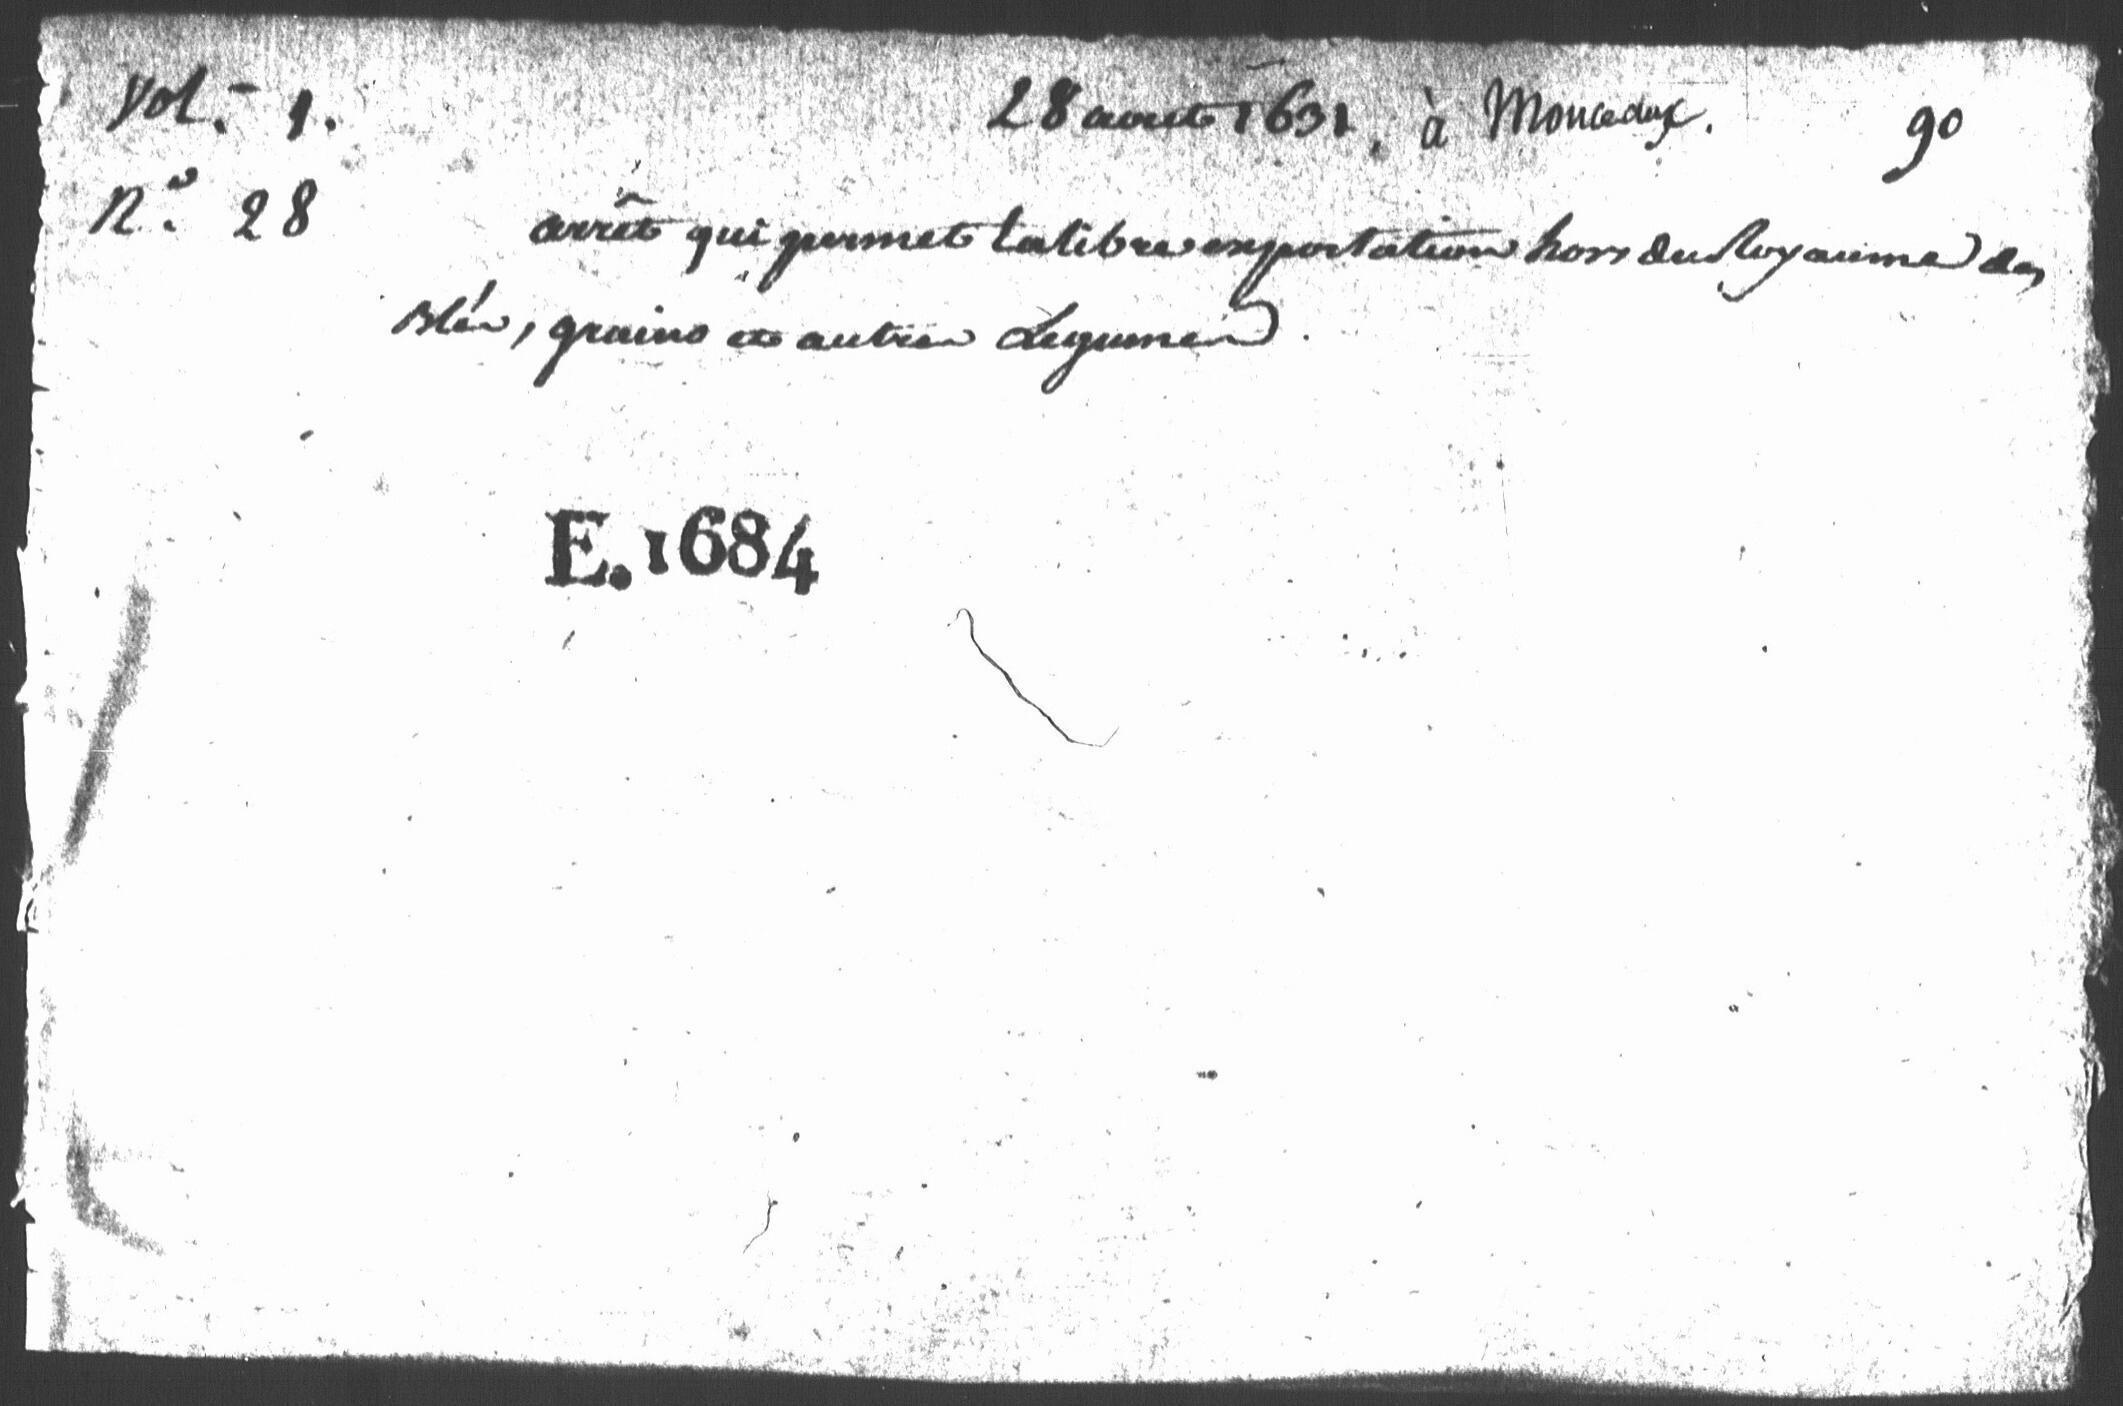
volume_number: n°28
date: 28 août 1631
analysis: à Monceaux 90
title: arrêt qui permet la libre exportation hors du Royaume des blés, grains et autres legumes
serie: E
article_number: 1684
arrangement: vol 1.
